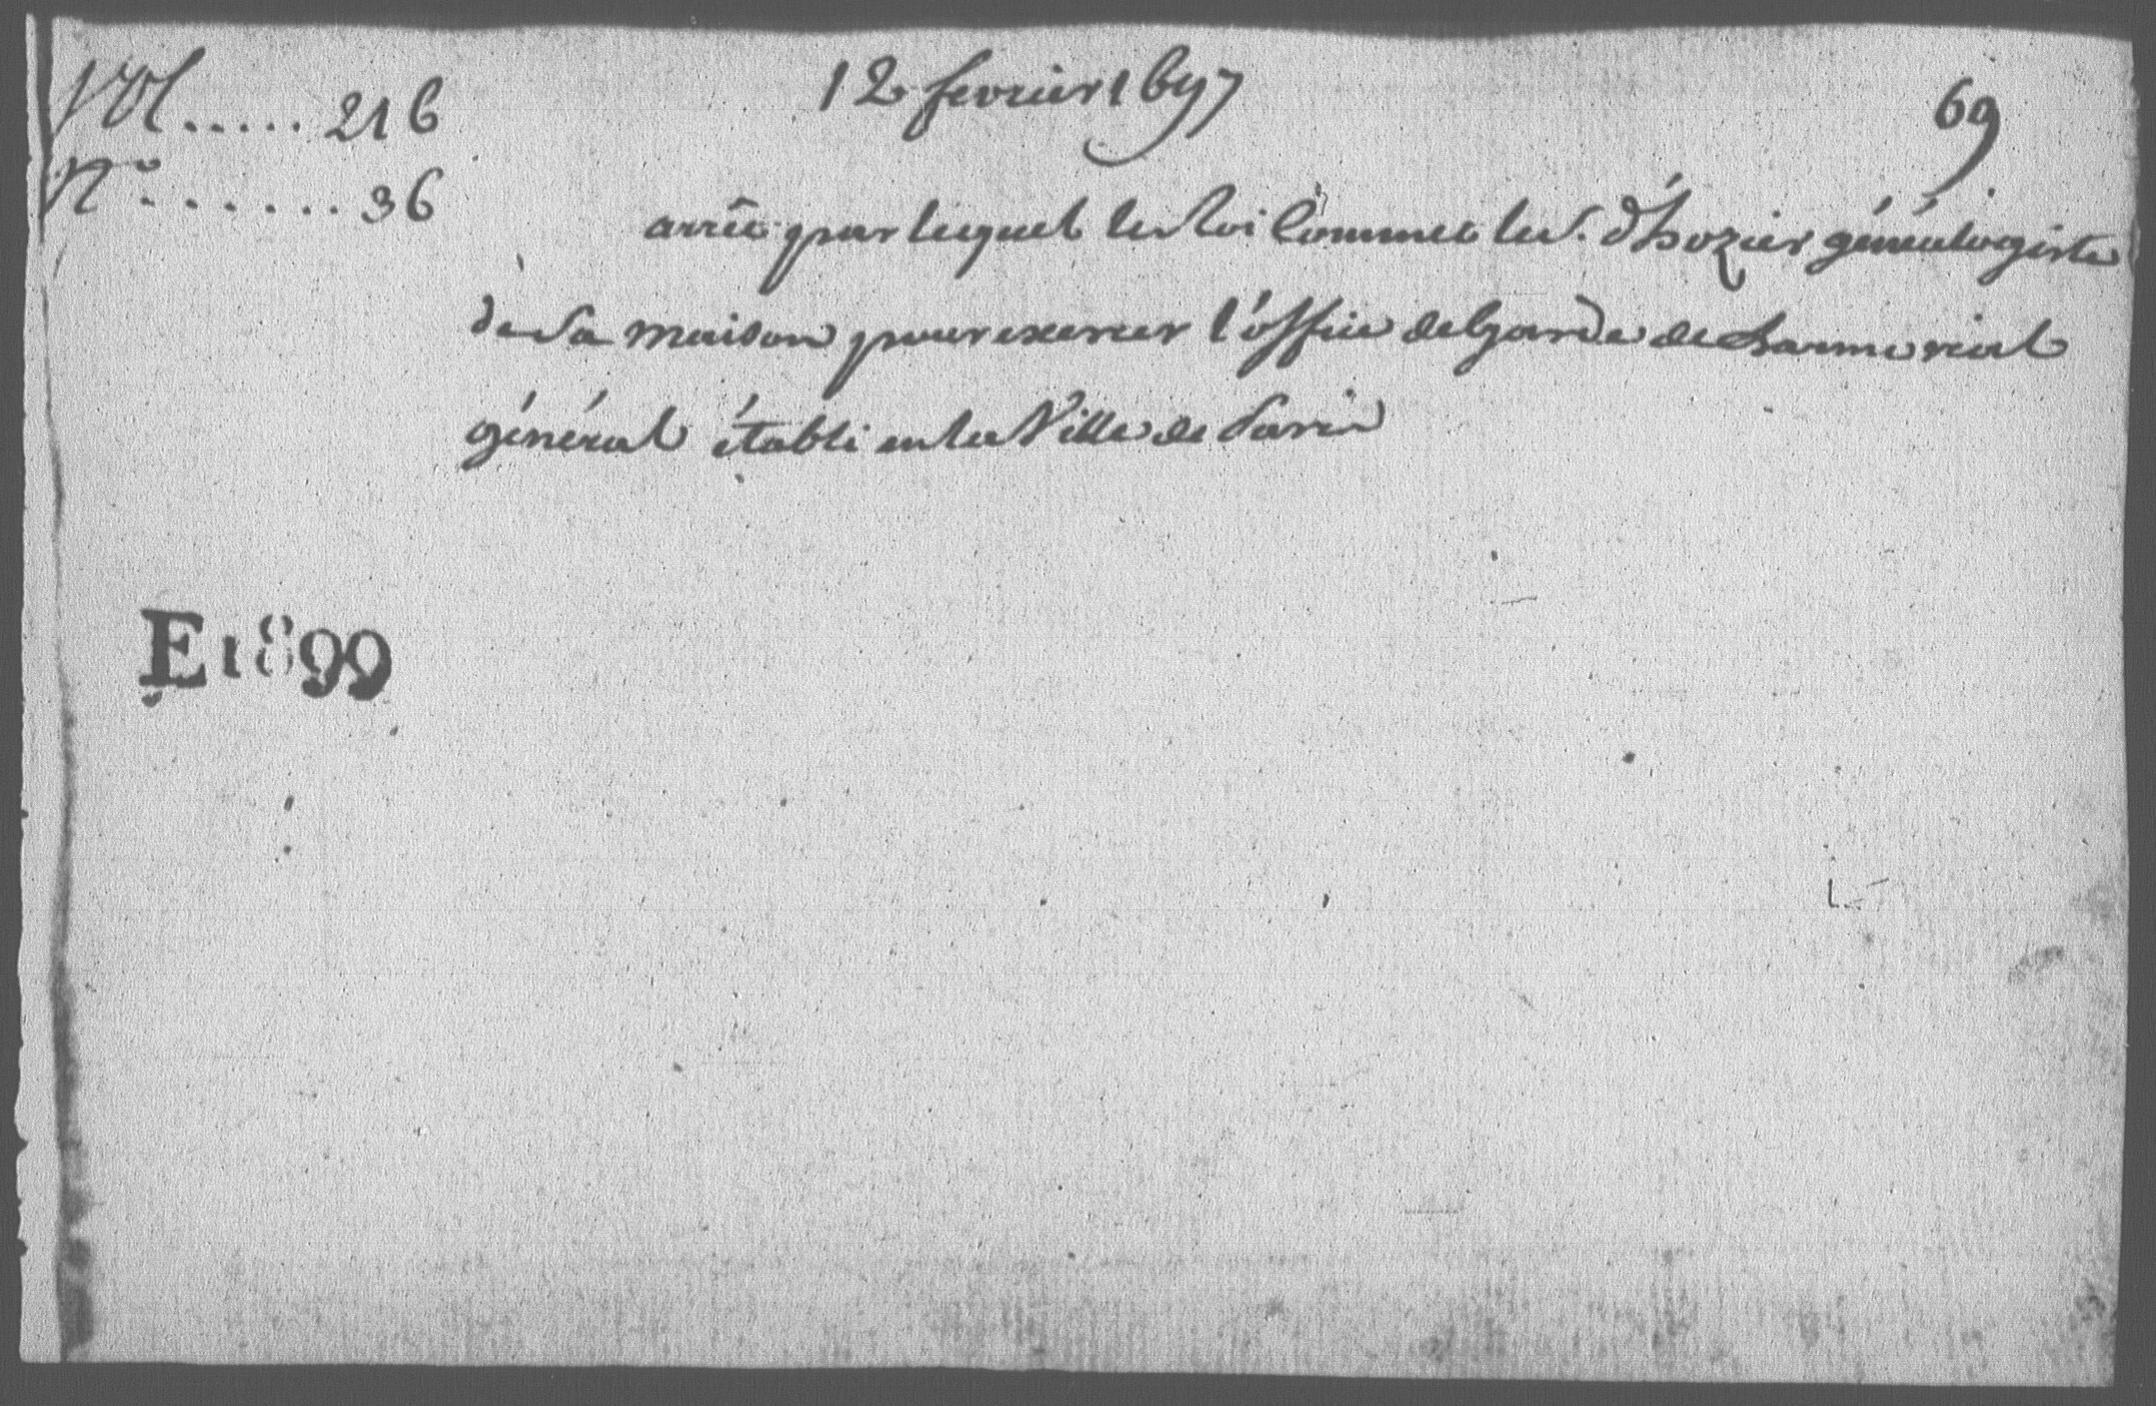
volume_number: n°36
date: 12 février 1637
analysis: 69
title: arrêt par lequel le Roi commet le S. d'hozier généalogiste de sa maison pour exercer l'office de Garde de l'armorial général établi en la Ville de Paris
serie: E
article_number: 1899
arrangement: vol. 216
